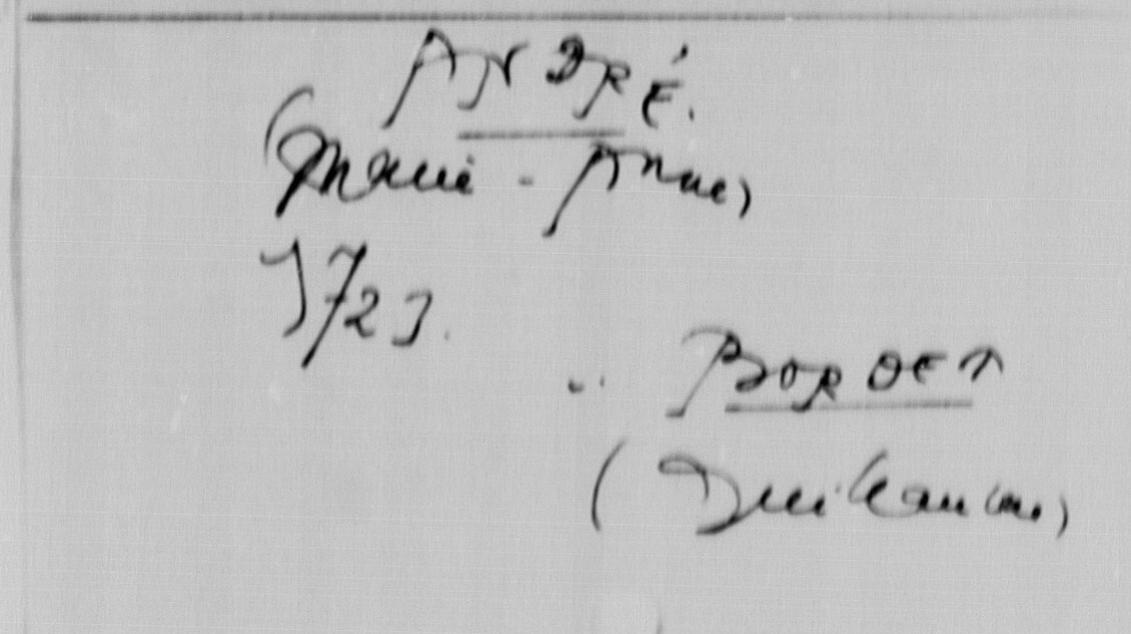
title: ANDRÉ (Marie-Anne)
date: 1723
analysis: Voir BORDET (Guillaume)
